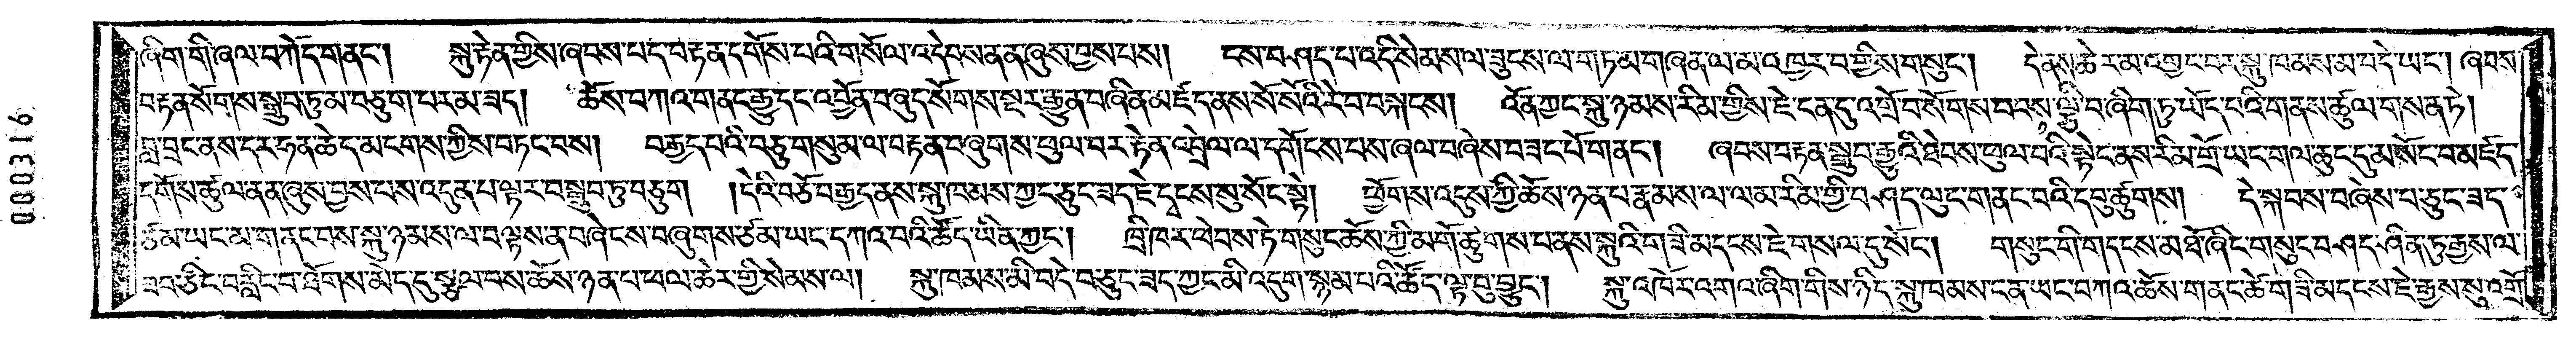ཞིག་གི་ཞལ་བཀོད་གནང་། སྐུ་རྟེན་གྱིས་ཞབས་པད་བརྟན་དགོས་པའི་གསོལ་འདེབས་ན་ཞུས་བྱས་པས། ངས་བཤད་པ་འདི་སེམས་ལ་ཟུངས་ལ་གཏམ་གཞན་ལ་མ་འཁྱར་བ་གྱིས་གསུང་། དེ་ནས་ཆེར་མ་འགྱང་བར་སྐུ་ཁམས་མ་བདེ་ཡང་། ཞབས་
བརྟན་སོགས་སྒྲུབ་ཏུ་བཅུག་པར་མ་ཟད། ཆོས་བཀའ་གནང་རྒྱུ་དང་འབྱོན་བཞུད་སོགས་སྔར་རྒྱུན་བཞིན་མཛད་ནས་སོ་སོའི་རེ་བ་བསྐངས། འོན་ཀྱང་སྐུ་ཉམས་རིམ་གྱིས་ཇེ་ངན་རུ་འགྲོ་བ་སོགས་བབས ༡་ལྕི་བ་ཞིག་ཏུ་ཡོད་བའི་གནས་ཚུལ་གསན་ཏེ།
བླ་བྲང་ནས་དར་ཧན་ཆེད་མངགས་ཀྱིས་བཏང་བས། བརྒྱད་པའི་བཅུ་གསུམ་ལ་བརྟན་བཞུགས་ཕུལ་བར་རྟེན་འབྲེལ་ལ་དགོངས་བས་ཞལ་བཞེས་བཟང་པོ་གནང་། ཞབས་བརྟན་སྒྲུབ་རྒྱུའི་ཐེབས་ཕུལ་བའི་སྟེང་ནས་རིམ་གྲོ་ཡང་གལ་ཆུང་དུ་མ་སོང་བ་མཛད་
དགོས་ཚུལ་ནན་ཞུས་བྱས་པས་འདུན་པ་ལྟར་བསྒྲུབ་ཏུ་བཅུག །དེའི་བཅོ་བརྒྱད་ནས་སྐུ་ཁམས་ཀྱང་ཅུང་ཟད་ཇེ་དྭངས་སུ་སོང་སྟེ། ཕྱོགས་འདུས་ཀྱི་ཆོས་ཉན་པ་རྣམས་ལ་ལམ་རིམ་གྱི་བཤད་ལུང་གནང་བའི་དབུ་ཚུགས། དེ་སྐབས་བཞེས་བ་ཅུང་ཟད་
ཙམ་ཡང་མ་གནང་བས་སྐུ་ཉམས་ལ་བལྟས་ན་བཞེངས་བཞུགས་ཙམ་ཡང་དཀའ་བའི་ཚོད་ཡིན་ཀྱང་། ཁྲི་ཁར་ཕེབས་ཏེ་གསུང་ཆོས་ཀྱི་མགོ་ཚུགས་བ་ནས་སྐུའི་གཟི་མདངས་ཇེ་གསལ་དུ་སོང་། གསུང་གི་གདངས་མཐོ་ཞིང་གསུང་བཤད་ཤིན་ཏུ་རྒྱས་ལ་
ཟབ་ཅིང་བརླིང་བ་ཐོགས་མེད་དུ་སྩལ་བས་ཆོས་ཉན་པ་ཕལ་ཆེར་གྱི་སེམས་ལ། སྐུ་ཁམས་མི་བདེ་བ་ཅུང་ཟད་ཀྱང་མི་འདུག་སྙམ་བའི་ཚོད་ལྟ་བུ་བྱུང་། སྐུ་འཁོར་འགའ་ཞིག་གིས་ཉིད་སྐུ་ཁམས་ངན་ཡང་བཀའ་ཆོས་གནང་ཚེ་གཟི་མདངས་ཇེ་རྒྱས་སུ་འགྲོ་